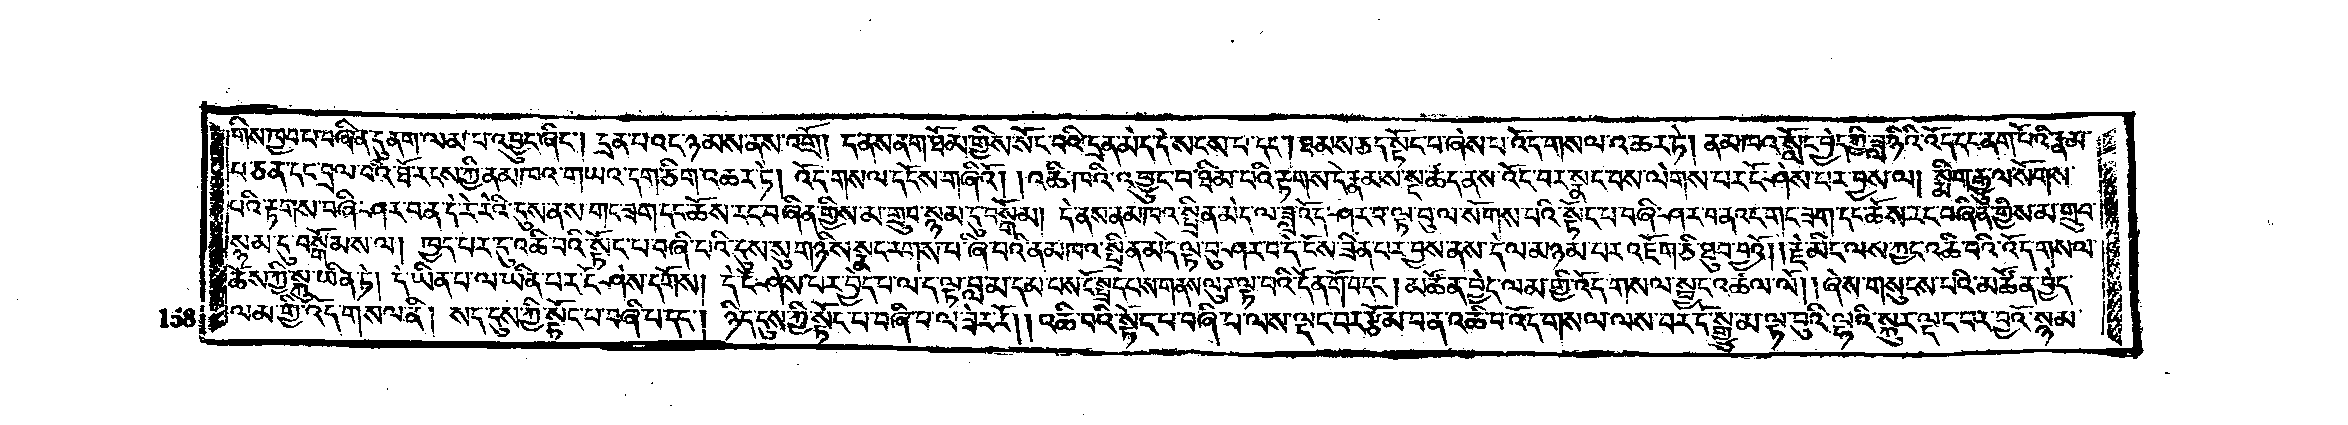གིས་ཁྱབ་པ་བཞིན་དུ་ནག་ལམ་པ་འབྱུང་ཞིང་། དྲན་པའང་ཉམས་ནས་འགྲོ། ད་ནས་ནག་ཐོམ་གྱིས་སོང་བའི་དྲན་མེད་དེ་སངས་པ་དང་། ཐམས་ཅད་སྟོང་པ་ཞེས་པ་འོད་གསལ་འཆར་ཏེ། ནམ་མཁའ་སློང་བྱེད་ཀྱི་ཟླ་ཉིའི་འོད་དང་ནག་པོའི་རྣམ་
པ་ཅན་དང་བྲལ་བའི་ཐོ་རངས་ཀྱི་ནམ་མཁའ་གཡའ་དག་ཅིག་འཆར་ཏེ། འོད་གསལ་དངོས་གཞིའོ། །འཆི་ཁའི་འབྱུང་བ་ཐིམ་པའི་རྟགས་དེ་རྣམས་སྔ་ཚད་ནས་འོང་བར་སྣང་བས་ལེགས་པར་ངོ་ཤེས་པར་བྱས་ལ། སྨིག་རྒྱུ་ལ་སོགས་
པའི་རྟགས་བཞི་ཤར་བ་ན་དེ་རེ་རེའི་དུས་ནས་གང་ཟག་དང་ཆོས་རང་བཞིན་གྱིས་མ་གྲུབ་སྙམ་དུ་བསྒོམ། དེ་ནས་ནམ་མཁའ་སྤྲིན་མེད་ལ་ཟླ་འོད་ཤར་བ་ལྟ་བུ་ལ་སོགས་པའི་སྟོང་པ་བཞི་ཤར་བ་ནའང་གང་ཟག་དང་ཆོས་རང་བཞིན་གྱིས་མ་གྲུབ་
སྙམ་དུ་བསྒོམས་ལ། ཁྱད་པར་དུ་འཆི་བའི་སྟོང་པ་བཞི་པའི་དུས་སུ་གཉིས་སྣང་རགས་པ་ཞི་བའི་ནམ་མཁའ་སྤྲིན་མེད་ལྟ་བུ་ཤར་བ་དེ་ངོས་ཟིན་པར་བྱས་ནས་དེ་ལ་མཉམ་པར་འཇོག་ཅི་ཐུབ་བྱའོ། །རྗེ་མིང་ལས་ཀྱང་འཆི་བའི་འོད་གསལ་
ཆོས་ཀྱི་སྐུ་ཡིན་ཏེ། དེ་ཡིན་པ་ལ་ཡིན་པར་ངོ་ཤེས་དགོས། དེ་ངོ་ཤེས་པར་བྱེད་པ་ལ་ད་ལྟ་བླ་མ་དམ་པས་ངོ་སྤྲད་པས་གནས་ལུགས་ལྟ་བའི་དོན་གོ་བ་དང་། མཚོན་བྱེད་ལམ་གྱི་འོད་གསལ་སྦྱང་འཚལ་ལོ། །ཞེས་གསུངས་པའི་མཚོན་བྱེད་
ལམ་གྱི་འོད་གསལ་ནི། སད་དུས་ཀྱི་སྟོང་པ་བཞི་པ་དང་། ཉིད་དུས་ཀྱི་སྟོང་པ་བཞི་པ་ལ་ཟེར་རོ། །འཆི་བའི་སྟོང་པ་བཞི་པ་ལས་ལྡང་བར་རྩོམ་པ་ན་འཆི་བ་འོད་གསལ་ལས་བར་དོ་སྒྱུ་མ་ལྟ་བུའི་ལྷའི་སྐུར་ལྡང་བར་བྱའོ་སྙམ་